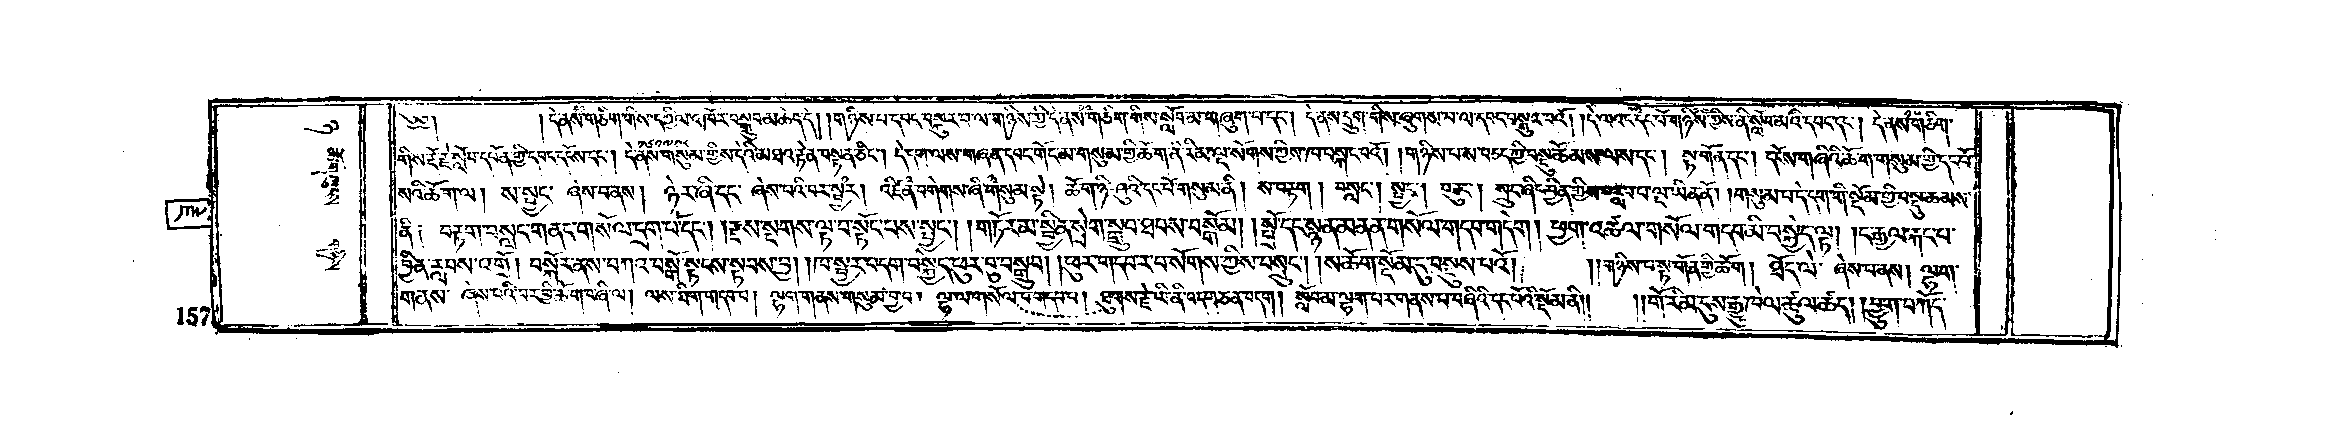༄༅། །དེ་ནས ༡༡་གཅིག་གིས་དཀྱིལ་འཁོར་བསྒྲུབ་མཆོད་དེ། །གཉིས་པ་དབང་བསྐུར་བ་ལ་གཉིས་ཀྱི་དེ་ནས ༡༢་གཅིག་གིས་སློབ་མ་གཞུག་པ་དང་། དེ་ནས་དྲུག་གིས་ཞུགས་པ་ལ་དབང་བསྐུར་བའོ། །དེ་ལའང ༡༣་དང་པོ་གཉིས ༡༤་ཀྱིས་ནི་སློབ་མའི་དབང་དང་། དེ་ནས ༡༥་གཅིག་
གིས་རྡོ་རྗེ་སློབ་དཔོན་གྱི་དབང་དངོས་དང་། དེ ༡༦༡༧༡༨་ནས་གསུམ་བྱས་དེའི་མཐའ་རྟེན་བསྟན་ཅིང་། དེ་དག་ལས་གཞན་དབང་གོང་མ་གསུམ་གྱི་ཆོ་ག་ནི་རིམ་ལྔ་སོགས་ཀྱིས་ཁ་བསྐང་བའོ། །གཉིས་པ་ས་བཅད་ཀྱི་བསྡུ་ཚོམས་ལས་དང་། སྟ་གོན་དང་། དངོས་གཞིའི་ཆོ་ག་གསུམ་གྱི་དང་པོ་
སའི་ཆོ་ག་ལ། ས་སྦྱང་ཞེས་པ་ནས།  ཉེར་ཞི་དང་ཞེས་པའི་བར་སྦྱར ༡། འཛིན ༢་བགེགས་ཞི ༣་གསུམ་སྟེ། ཆོ་ག་ཉི་ཤུའི་དང་པོ་གསུམ་ནི། ས་བརྟག །བསླང་། སྦྱང་། བཟུང་། སྲུང་ཞིང་བྱིན་གྱིས་བརླབ་པ་ལྔ་ཡིན་ནོ། །གསུམ་པ་དེ་དག་གི་སྡོམ་གྱི་བསྡུ་ཚམས་
ནི། བརྟག་བསླང་གནང་གསོལ་དྲག་པོ་དང་། རྫས་སྔགས་ལྟ་བ་སྟོང་པས་སྦྱང་། །གཏོར་མ་སྦྱིན་སྲེག་སྒྲུབ་ཐབས་བསྒོམ། །སྤྲོ་དང་སྙན་མནན་གསོལ་གདབ་གདེག །ཕྱག་འཚལ་གསོལ་གདབ་མི་བསྐྱེད་ལྟ། །ང་རྒྱལ་རྐང་པ་
བྱིན་རླབས་འགྲོ་།བསྐོར་ནས་བཀའ་བསྒོ་སྟངས་སྟབས་བྱ། །ཁ་སྦྱར་བདག་བསྐྱེད་ཕུར་བུ་བསྒྲུབ། །ཕུར་འདབ་ར་བ་སོགས་ཀྱིས་བསྲུང་། །ས་ཆོག་སྡོམ་དུ་བསྡུས་པའོ།། །།གཉིས་པ་སྟ་གོན་གྱི་ཆོ་ག ། ཐོད་ལེ་ཞེས་པ་ནས།  ལྷག་
གནས་ཞེས་པའི་བར་གྱི་ཆོ་ག་བཞི་ལ། ལས་ཐིག་གདབ་པ། ལྷག་གནས་གསུམ་བྱ་བ་། ལྷ་ལ་གསོལ་བ་གདབ་པ། ཐུགས་རྗེ་ཡི་ནི་བདག་ཅན་བདག །སློབ་མ་ལྷག་པར་གནས་པ་བཞིའི་དང་པོའི་སྡོམ་ནི།།  །།གོ་རིམ་དུས་རྒྱུ་ཁེལ་ཚུལ་ཆད། །བྱུག་བཀོད་